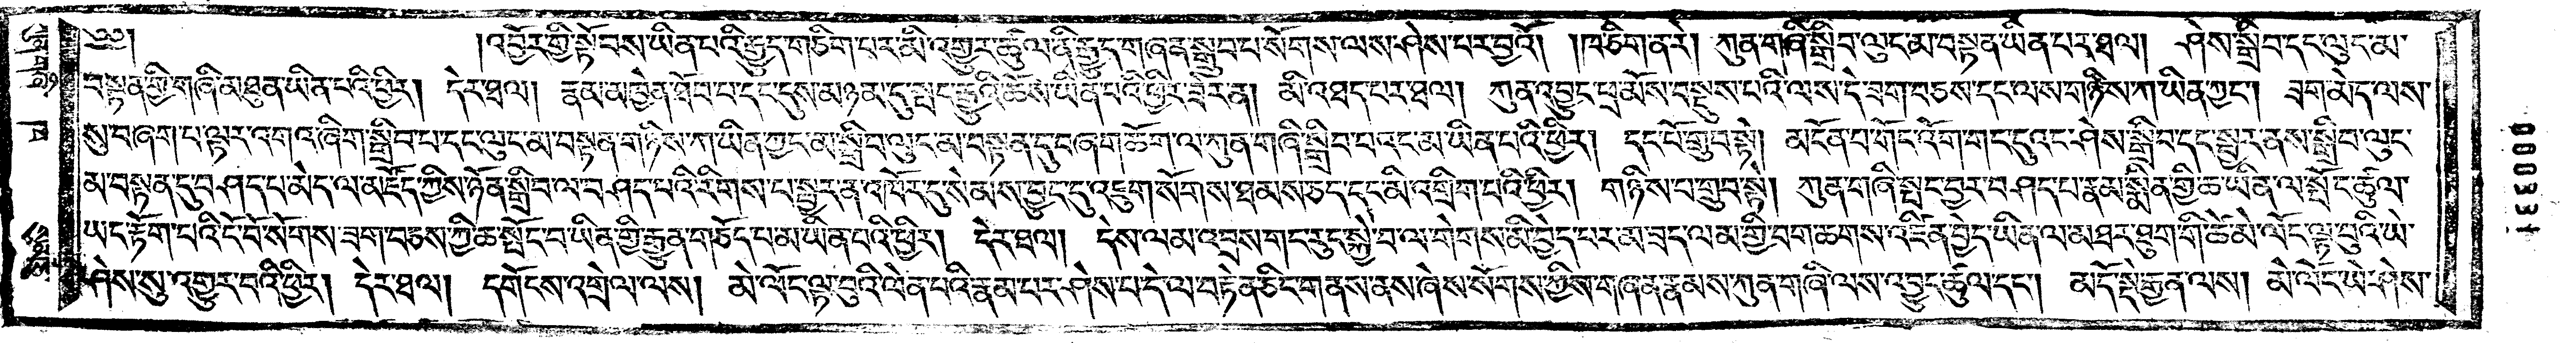༄༅། །འབྱོར་གྱི་སྟོབས་ཡིན་པའི་རྒྱུད་གཅིག་པར་མི་འགྱུར་ཚུལ་ནི་རྒྱུད་གཞན་སྒྲུབ་བ་སོགས་ལས་ཤེས་པར་བྱའོ། །ཁ་ཅིག་ན་རེ། ཀུན་གཞི་སྒྲིབ་ལུང་མ་བསྟན་ཡིན་པར་ཐལ། ཤེས་སྒྲིབ་དང་ལུང་མ་
བསྟན་གྱི་གཞི་མཐུན་ཡིན་པའི་ཕྱིར། དེར་ཐལ། རྣམ་མཁྱེན་ཐོབ་པ་དང་དུས་མཉམ་དུ་སྤང་རྒྱུའི་ཆོས་ཡིན་པའི་ཕྱིར་ཟེར་ན། མི་འཐད་པར་ཐལ། ཀུན་འབྱུང་ཕྲ་མོས་བསྡུས་པའི་ལས་དེ་ཟག་བཅས་དང་ལས་གཉིས་ཀ་ཡིན་ཀྱང་། ཟག་མེད་ལས་
སུ་བཞག་པ་ལྟར་འགའ་ཞིག་སྒྲིབ་པ་དང་ལུང་མ་བསྟན་གཉིས་ཀ་ཡིན་ཀྱང་མ་སྒྲིབ་ལུང་མ་བསྟན་དུ་བཞག་ཆོག་ལ་ཀུན་གཞི་སྒྲིབ་པའང་མ་ཡིན་པའི་ཕྱིར། དང་པོ་གྲུབ་སྟེ། མངོན་པ་གོང་འོག་གང་དུའང་ཤེས་སྒྲིབ་དང་སྦྱར་ནས་སྒྲིབ་ལུང་
མ་བསྟན་དུ་བཤད་པ་མེད་ལ་མཛོད་ཀྱིས་ཉོན་སྒྲིབ་ལ་བཤད་པའི་རིགས་པ་སྦྱར་ན་འཁོར་དུ་སེམས་བྱུང་དུ་འཇུག་སོགས་ཐམས་ཅད་དང་མི་འགྲིག་པའི་ཕྱིར། གཉིས་པ་གྲུབ་སྟེ། ཀུན་གཞི་སྤང་བྱར་བཤད་པ་རྣམ་སྨིན་གྱི་ཆ་ཡིན་ལ་སྤོང་ཚུལ་
ཡང་རྟོག་པའི་ངོ་བོ་སོགས་ཟག་བཅས་ཀྱི་ཆ་སྤོང་བ་ཡིན་གྱི་རྒྱུན་གཅོད་པ་མ་ཡིན་པའི་ཕྱིར། དེར་ཐལ། དེས་ལམ་འབྲས་གང་རུང་སྐྱེ་བ་ལ་གེགས་མི་བྱེད་པར་མ་ཟད་ལམ་གྱི་བག་ཆགས་འཛིན་བྱེད་ཡིན་ལ་མཐར་ཐུག་གི་ཚེ་མེ་ལོང་ལྟ་བུའི་ཡེ་
ཤེས་སུ་འགྱུར་བའི་ཕྱིར། དེར་ཐལ། དགོངས་འགྲེལ་ལས། མེ་ལོང་ལྟ་བུའི་ལེན་པའི་རྣམ་པར་ཤེས་པ་དེ་ལ་བརྟེན་ཅིང་གནས་ནས་ཞེས་སོགས་ཀྱིས་གཞན་རྣམས་ཀུན་གཞི་ལས་འབྱུང་ཚུལ་དང་། མདོ་སྡེ་རྒྱན་ལས། མེ་ལོང་ཡེ་ཤེས་